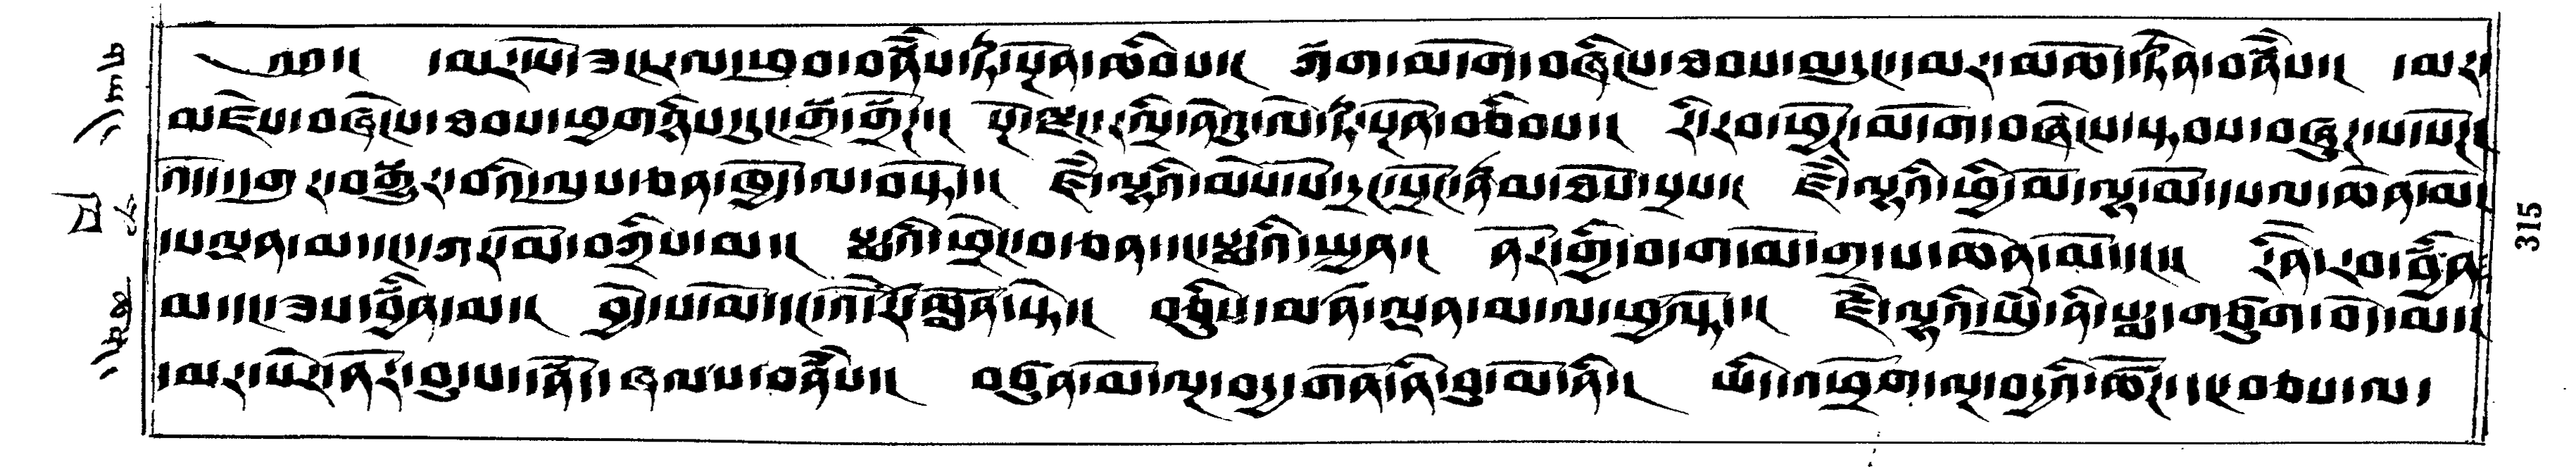དམར་པོ་ཟང་རལ་ཕུབ་བསྣམས་རྟ་སྔོན་ཆིབས། །སྐག་མདོག་བཞེངས་སྟབས་མདུང་དམར་མཆོད་རྟེན་བསྣམས། །དམར་
མཛེས་བཞེངས་སྟབས་ཕྱག་གཉིས་དུང་སྒྲ་སྒྲོགས། །སྔོ་ལྗང་རལ་གྲི་ནེའུ་ལེ་རྟ་སྔོན་བཅིབས། །རི་རབ་ཕྱོགས་མདོག་བཞེངས་སྟབས་བཞུགས་པ་སོགས། །
འདོད་དགུར་བསྒྱུར་བའི་ལུས་ཅན་ཁྱོད་ལ་བསྟོད། །ཛམ་ལའི་མེས་པོ་དྲང་སྲོང་རྣམ་ཐོས་སྲས། །ཛམ་ལའི་ཕྱི་མོ་ལྷ་མོ་དཔལ་ཆེན་མོ། །
དཔལ་ལྡན་མ་དང་དཀར་མོ་བཀྲ་ཤིས་མ། །པདྨའི་ཕྲེང་བ་ཅན་དང་པདྨའི་སྤྱན། །ནོར་གྱི་བདག་མོ་གྲགས་པ་ཆེན་མོ་དང་། །རིན་ཆེན་རབ་སྦྱིན་
མ་དང་ཟས་སྦྱིན་མ། །བྱེད་པ་མོ་དང་འོད་ཟེར་ཆེན་མོ་སྟེ། །བཅུ་ཉིས་མཚན་ལྡན་མ་ལ་ཕྱག་འཚལ་བསྟོད། །ཛམ་ལའི་ཡུམ་ནི་པདྨ་གཙུག་བདེ་མ། །
དམར་སེར་ནོར་བུ་པད་སྣོད་ཞལ་པ་བསྣམས། །བཙུན་མོ་ལྔ་བརྒྱ་གནོད་སྦྱིན་བུ་མོ་ནི། །ཡིད་འཕྲོག་ལྔ་བརྒྱའི་ཚོགས་དང་བཅས་ལ།